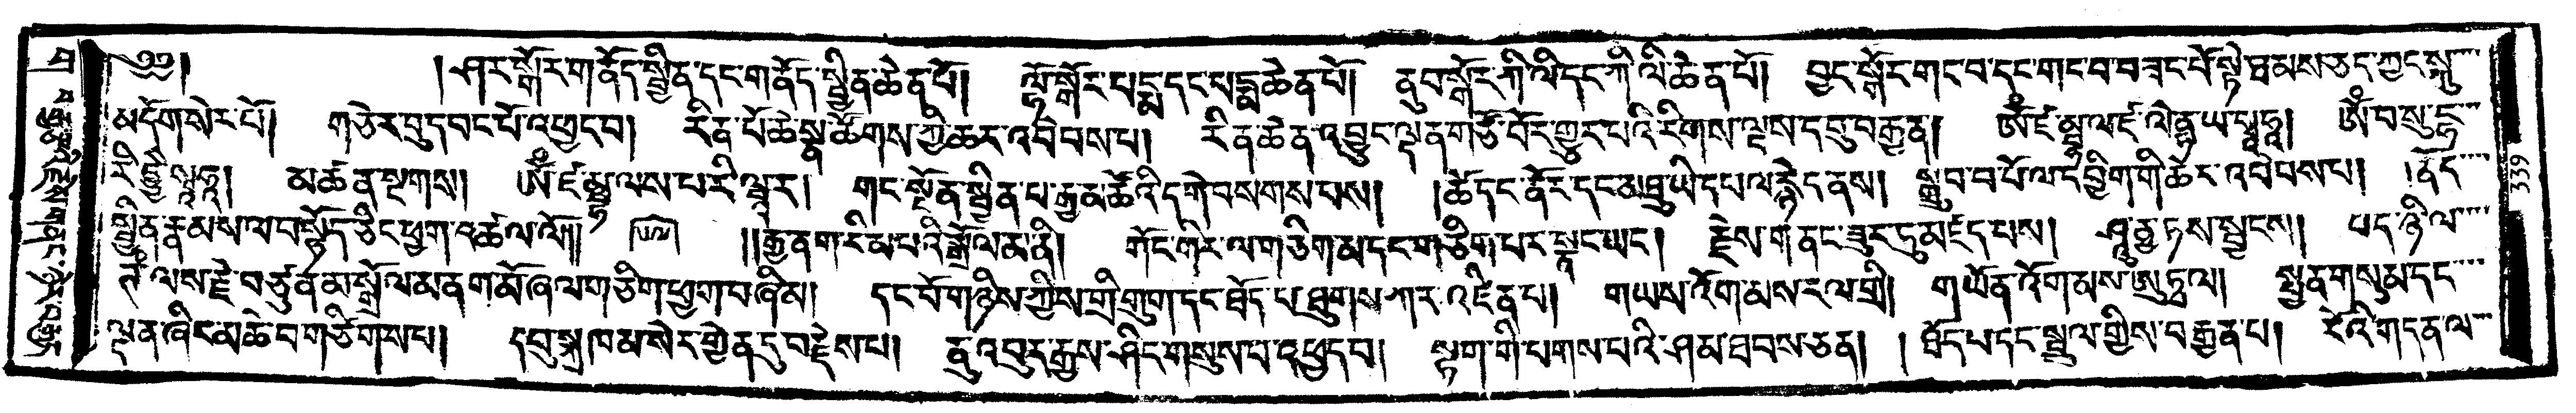༄༅། །ཤར་སྒོར་གནོད་སྦྱིན་དང་གནོད་སྦྱིན་ཆེན་པོ། ལྷོ་སྒོར་པདམ་དང་པདམ་ཆེན་པོ། ནུབ་སྒོར་ཀི་ལི་དང་ཀི་ལི་ཆེན་པོ། བྱང་སྒོར་གང་བ་དང་གང་བ་བཟང་པོ་སྟེ་ཐམས་ཅད་ཀྱང་སྐུ་
མདོག་སེར་པོ། གཅེར་བུ་དབང་པོ་འཕྱང་བ། རིན་པོ་ཆེ་སྣ་ཚོགས་ཀྱི་ཆར་འབེབས་པ། རིན་ཆེན་འབྱུང་ལྡན་གཙོ་བོར་གྱུར་པའི་རིགས་ལྔས་དབུ་བརྒྱན། ཨོཾ་ཛམྦྷ་ལ་ཛ་ལེནྟ་ཡ་སྭཱཧཱ། ཨོཾ་བ་སུ་དྷ་
རི་དྷྱཻ་སྭཱཧཱ། མཚན་སྔགས། ཨོཾ་ཛམྦྷ་ལས་པ་རི་ཝཱ་ར། གང་སྔོན་སྦྱིན་པ་རྒྱ་མཚོའི་དགེ་བསགས་པས། །ཚེ་དང་ནོར་དང་མཐུ་ཡི་དཔལ་རྙེད་ནས། སྒྲུབ་པ་པོ་ལ་དབྱིག་གི་ཆེར་འབེབས་པ། །ནོད་
སྦྱིན་རྣམས་ལ་བསྟོད་ཅིང་ཕྱག་འཚལ་ལོ།། ༥༧?་།།རྒྱ་ནག་རིམ་པའི་སྒྲོལ་མ་ནི། གོང་གིར་ལ་གཅིག་མ་དང་གཅིག་པར་སྣང་ཡང་། རྗེས་གནང་ཟུར་ཏུ་མཛད་པས། ཤཱུ་ནྱ་ཏས་སྦྱངས། པད་ཉི་ལ་
ཊཾ་ལས་རྗེ་བཙུན་མ་སྒྲོལ་མ་ནག་མོ་ཞལ་གཅིག་ཕྱག་བཞི་མ། དང་པོ་གཉིས་ཀྱིས་གྲི་གུག་དང་ཐོད་པ་ཐུགས་ཀར་འཛིན་པ། གཡས་འོག་མས་རལ་གྲི། གཡོན་འོག་མས་ཨུཏྤལ། སྤྱན་གསུམ་དང་
ལྡན་ཞིང་མཆེ་བ་གཙིགས་པ། དབུ་སྐྲ་ཁམ་སེར་གྱེན་དུ་བརྗེས་པ། ནུ་འབུར་རྒྱས་ཤིང་གསུས་པ་འཕྱད་བ། སྟག་གི་པགས་པའི་ཤམ་ཐབས་ཅན། །ཐོད་པ་དང་སྦྲུལ་གྱིས་བརྒྱན་པ། རོའི་གདན་ལ་